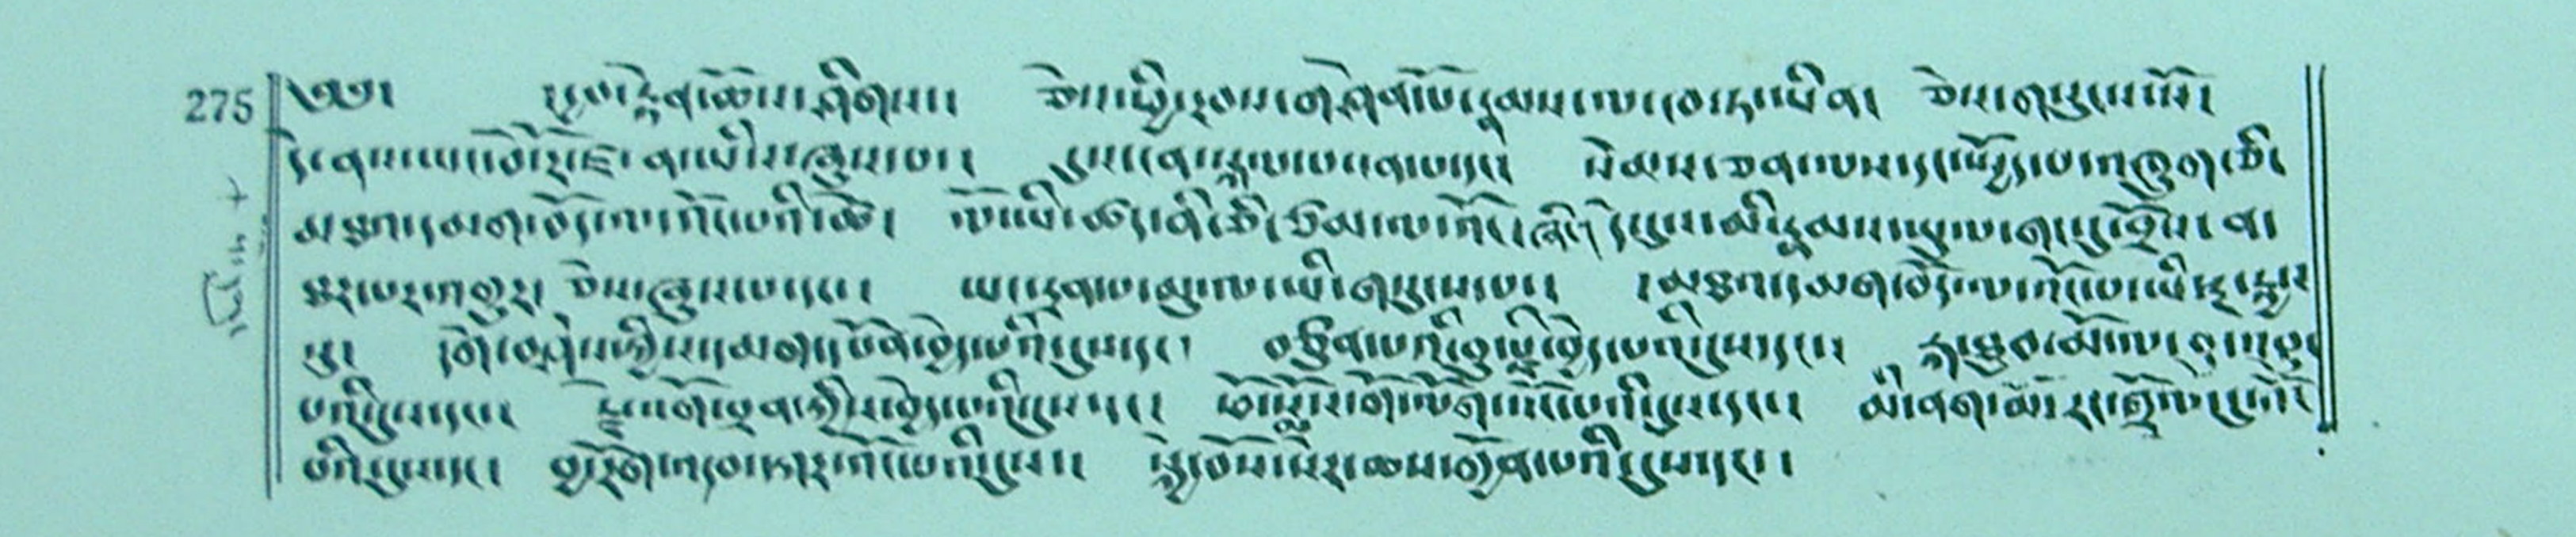༄༅། །རྒྱབ་རྟེན་ཆོས་ཤིགས ཅེས་ཕྱི་རབས་གཤེན་པོ་རྣམས་ལ་ཁ་ཏ་ཡིན། ཅེས་གསུངས་སོ། །
དེ་ནས་ཡང་བྷེ་རོ་ཛ་ན་ཡིས་ཞུས་པ། དུས་ངན་བསྐལ་པ་ངན་པ་དང་། སེམས་ཅན་ལས་དང་སྤྱོད་པ་འཁྲུགས་ཅིང་
མཐའ་དམག་བོད་ལ་འོང་བའི་དུས། ལོ་ཡི་ཚད་ནི་ཅི་ཙམ་ལ་འོང་ཞིང་། དེ་དུས་མི་རྣམས་ཡུལ་གང་དུ་བྲོས་ན་
ཐར་བར་འགྱུར། ཅེས་ཞུས་པ་དང་། ཡང་དྲན་པ་མུ་ལས་གསུངས་པ། མཐའ་དམག་བོད་ལ་འོང་པ་ཡི་རྔ་རྟས་
སུ། དགེ་བཤེས་ཀྱིས་དམག་དཔོན་བྱེད་པའི་དུས་དང་། བཙུན་པའི་བུ་རྫི་བྱེད་པའི་དུས་དང་། དཀའ་ཐུབ་མོ་ལ་བུ་འབྱུང་
བའི་དུས་དང་། རྗེ་འགོ་བྲན་གྱིས་བྱེད་པའི་དུས་དང་། ཕོ་སྨོས་གོ་ལོག་འོང་པའི་དུས་དང་། མི་ནག་མོ་རང་གྲོལ་འོང་
པའི་དུས་དང་། བྱ་རོག་འདབ་དཀར་འོང་བའི་དུས་དང་། སྐྱེ་བོས་སེར་ཆས་གྱོན་པའི་དུས་དང་།